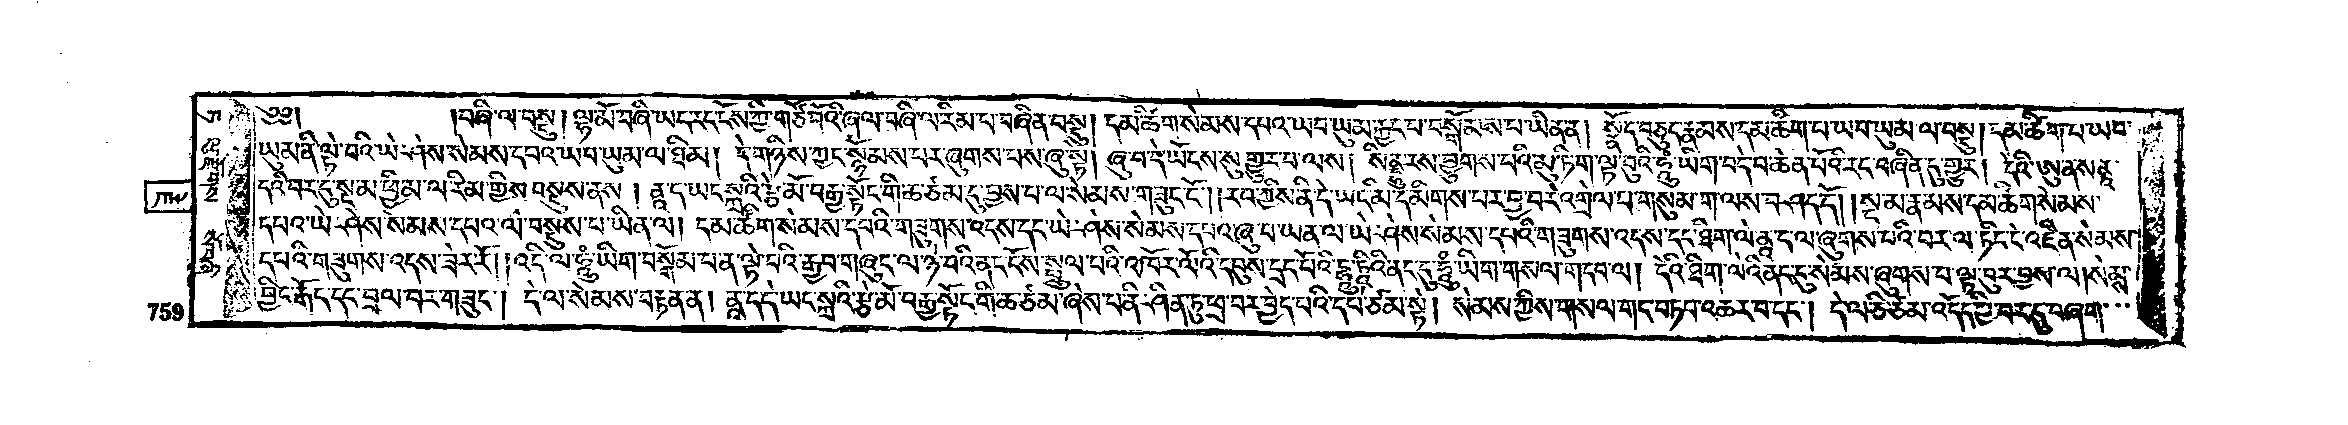༄༅། །བཞི་ལ་བསྡུ། ལྷ་མོ་བཞི་ཡང་རང་ངོས་ཀྱི་གཙོ་བོའི་ཞལ་བཞི་ལ་རིམ་པ་བཞིན་བསྡུ། དམ་ཚིག་སེམས་དཔའ་ཡབ་ཡུམ་རྐྱང་པ་བསྒོམས་པ་ཡིན་ན། སྣོད་བཅུད་རྣམས་དམ་ཚིག་པ་ཡབ་ཡུམ་ལ་བསྡུ། དམ་ཚིག་པ་ཡབ་
ཡུམ་ནི་ལྟེ་བའི་ཡེ་ཤེས་སེམས་དཔའ་ཡབ་ཡུམ་ལ་ཐིམ། དེ་གཉིས་ཀྱང་སྙོམས་པར་ཞུགས་པས་ཞུ་སྟེ། ཞུ་བ་དེ་ཡོངས་སུ་གྱུར་པ་ལས། སིནྡྷུ་རས་བྱུགས་པའི་མུ་ཏིག་ལྟ་བུའི་ཧཱུཾ་ཡིག་བདེ་བ་ཆེན་པོའི་རང་བཞིན་དུ་གྱུར། དེའི་ཨུ་ནས་ནཱ་
དའི་བར་དུ་སྔ་མ་ཕྱི་མ་ལ་རིམ་གྱིས་བསྡུས་ནས། ནཱ་ད་ཡང་སྐྲའི་རྩེ་མོ་བརྒྱ་སྟོང་གི་ཆ་ཙམ་དུ་བྱས་པ་ལ་སེམས་གཟུང་ངོ། །རབ་ཀྱིས་ནི་དེ་ཡང་མི་དམིགས་པར་བྱ་བར་འགྲེལ་པ་གསུམ་ག་ལས་བཤད་དོ། །སྔ་མ་རྣམས་དམ་ཚིག་སེམས་
དཔའ་ཡེ་ཤེས་སེམས་དཔའ་ལ་བསྡུས་པ་ཡིན་ལ། དམ་ཚིག་སེམས་དཔའི་གཟུགས་འདས་དང་ཡེ་ཤེས་སེམས་དཔའ་ཞུ་བ་ཡིན་ལ་ཡེ་ཤེས་སེམས་དཔའི་གཟུགས་འདས་དང་ཐིག་ལེ་ནཱ་ད་ལ་ཞུགས་པའི་བར་ལ་ཏིང་ངེ་འཛིན་སེམས་
དཔའི་གཟུགས་འདས་ཟེར་རོ། །འདི་ལ་ཧཱུཾ་ཡིག་བསྒོམ་པ་ན་ལྟེ་བའི་རྒྱབ་གཞུང་ལ་ཉེ་བའི་ནང་ངོས་སྤྲུལ་པའི་འཁོར་ལོའི་དབུས་དྲང་པོའི་དྷཱུ་ཏཱིའི་ནང་དུ་ཧཱུཾ་ཡིག་གསལ་གདབ་ལ། དེའི་ཐིག་ལེའི་ནང་དུ་སེམས་ཞུགས་པ་ལྟ་བུར་བྱས་ལ། སེམས་
བྱིང་རྒོད་དང་བྲལ་བར་གཟུང་། དེ་ལ་སེམས་བརྟན་ན། ནཱ་ད་དེ་ཡང་སྐྲའི་རྩེ་མོ་བརྒྱ་སྟོང་གི་ཆ་ཙམ་ཞེས་པ་ནི་ཤིན་ཏུ་ཕྲ་བར་བྱེད་པའི་དཔེ་ཙམ་སྟེ། སེམས་ཀྱིས་གསལ་གང་བཏབ་འཆར་བ་དང་། དེ་ལ་ཅི་ཙམ་འདོད་ཀྱི་བར་དུ་བཞག་